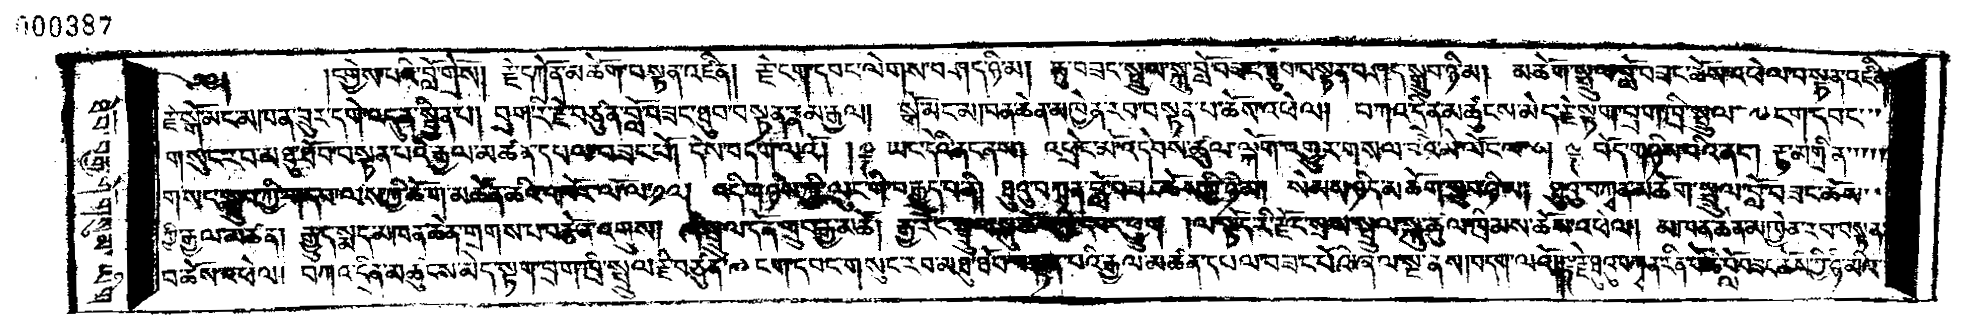༄༅། །དགྱེས་པའི་བློ་གྲོས། རྗེ་དཀོན་མཆོག་བསྟན་འཛིན། རྗེ་ངག་དབང་ལེགས་བཤད་ཉི་མ། ཆུ་བཟང་སྤྲུལ་སྐུ་བློ་བཟང་ཐུབ་བསྟན་བཤད་སྒྲུབ་ཉི་མ། མཆོག་སྤྲུལ་བློ་བཟང་ཆོས་འཕེལ་བསྟན་འཛིན་
རྗེ་སྒོ་མང་མཁན་ཟུར་དགེ་འདུན་སྦྱིན་པ། བྲག་རི་རྗེ་བཙུན་བློ་བཟང་ཐུབ་བསྟན་རྣམ་རྒྱལ། སྒོ་མང་མཁན་ཆེན་མཁྱེན་རབ་བསྟན་པ་ཆོས་འཕེལ། བཀའ་དྲིན་མཚུངས་མེད་རྗེ་སྟག་བྲག་ཁྲི་སྤྲུལ ༧་ངག་དབང་
གསུང་རབ་མཐུ་ཐོབ་བསྟན་པའི་རྒྱལ་མཚན་དཔལ་བཟང་པོ། དེས་བདག་ལའོ། །༈ ཡང་དེའི་ནང་ནས། འཕྲེང་མོ་འདེབས་ཚུལ་ལྐོག་འགྱུར་གསལ་བའི་མེ་ལོང་ལ ༦། ༈ བོད་གཉིས་པའི་ནང་། རྟ་མགྲིན་
གསང་སྒྲུབ་ཀྱི་གདབ་ལས་ཀྱི་ཆོ་ག་མཚོན་ཆའི་འཁོར་ལོ་ལ ༡༢། འདི་གཉིས་ཀྱི་ལུང་གི་བརྒྱུད་པ་ནི། ཐུའུ་བཀྭན་བློ་བཟང་ཆོས་ཀྱི་ཉི་མ། སེམས་ཉིད་མཆོག་གྲུབ་ཉི་མ། ཐུའུ་བཀྭན་མཆོག་སྤྲུལ་བློ་བཟང་ཆོས་
ཀྱི་རྒྱལ་མཚན། རྒྱུད་སྨད་མཁན་ཆེན་གྲགས་པ་བརྩོན་འགྲུས། ཞི་སྤྲུལ་དོན་གྲུབ་རྒྱ་མཚོ། རྒྱ་རང་སྤྲུལ་སྐུ་ཆོས་ཀྱི་དབང་ཕྱུག །ལ་སྟོད་རི་རྫོང་སྲས་སྤྲུལ་སྐུ་ཚུལ་ཁྲིམས་ཆོས་འཕེལ། མཁན་ཆེན་མཁྱེན་རབ་བསྟན་
བ་ཆོས་འཕེལ། བཀའ་དྲིན་མཚུངས་མེད་སྟག་བྲག་ཁྲི་སྤྲུལ་རྗེ་བཙུན ༧་ངག་དབང་གསུང་རབ་མཐུ་ཐོབ་བསྟན་པའི་རྒྱལ་མཚན་དཔལ་བཟང་པོའི་ཞལ་སྔ་ནས། བདག་ལའོ། །༈ རྗེ་ཐུའུ་བཀྭན་རིན་པོ་ཆེ་བློ་བཟང་ཆོས་ཀྱི་ཉི་མའི་